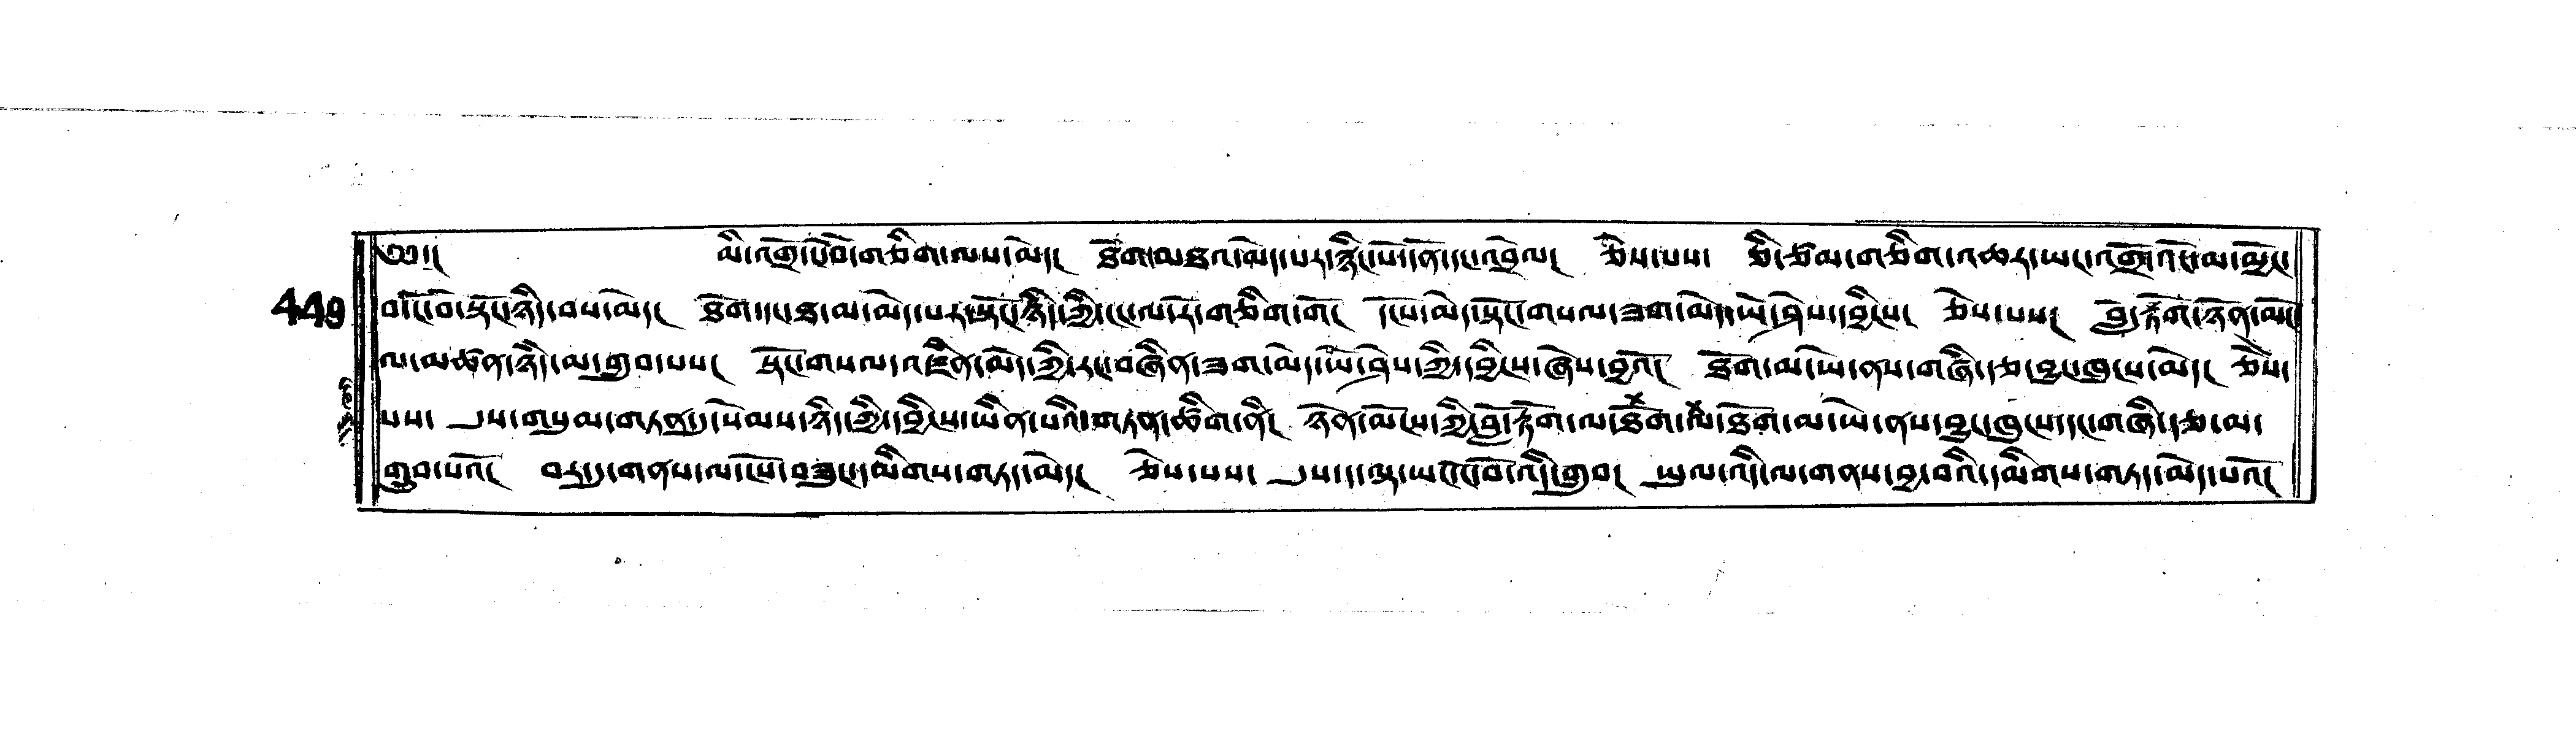མི་འགྲོ་ངོ་བོ་གཅིག་ལས་མེད། ཐོག་མཐའ་མེད་པར་སྙིང་པོ་དོན་དང་འབྲེལ། ཅེས་པས། ཅི་ཙམ་གཅིག་འཆར་ཡང་འགྲོ་འོང་མ་མྱོང་
བ་ངོ་བོ་སྟོང་ཉིད་ལས་མེད། ཐོག་དང་ཐ་མ་མེད་པར་སྟོང་ཉིད་ཀྱི་ངང་ལ་རོ་གཅིག་གོ། དངོས་མེད་སྟོང་གསལ་ཟག་མེད་ཡེ་ཤེས་དབྱིངས། ཅེས་པས། བློ་རྟོག་ཉོན་མོངས་
ལ་མཚན་ཉིད་མ་གྲུབ་པས། སྟོང་གསལ་འཛིན་མེད་ཀྱི་རང་བཞིན་ཟག་མེད་ཡེ་ཤེས་ཀྱི་དབྱིངས་ཞེས་བྱའོ། ཐོག་མ་ཡེ་ནས་གཞི་རྩ་བྱུང་ཁུངས་མེད། ཅེས་
པས། དུས་གསུམ་གཏན་དུ་སེམས་ཉིད་ཀྱི་དབྱིངས་ཡིན་པའི་གཏན་ཚིགས་ནི། ཉོན་མོངས་ཀྱི་བློ་རྟོག་ལ་ཐོག་མ་ཡེ་ནས་བྱུང་ཁུངས་དང་གཞི་རྩ་མ་
གྲུབ་པའོ། བར་དུ་གནས་པ་ངོས་བཟུང་དམིགས་གཏད་མེད། ཅེས་པས། དུས་ད་ལྟ་ཡང་ངོ་བོ་འདི་གྲུབ། ཡུལ་འདི་ལ་གནས་བྱ་བའི་དམིགས་གཏད་མེད་པའོ།